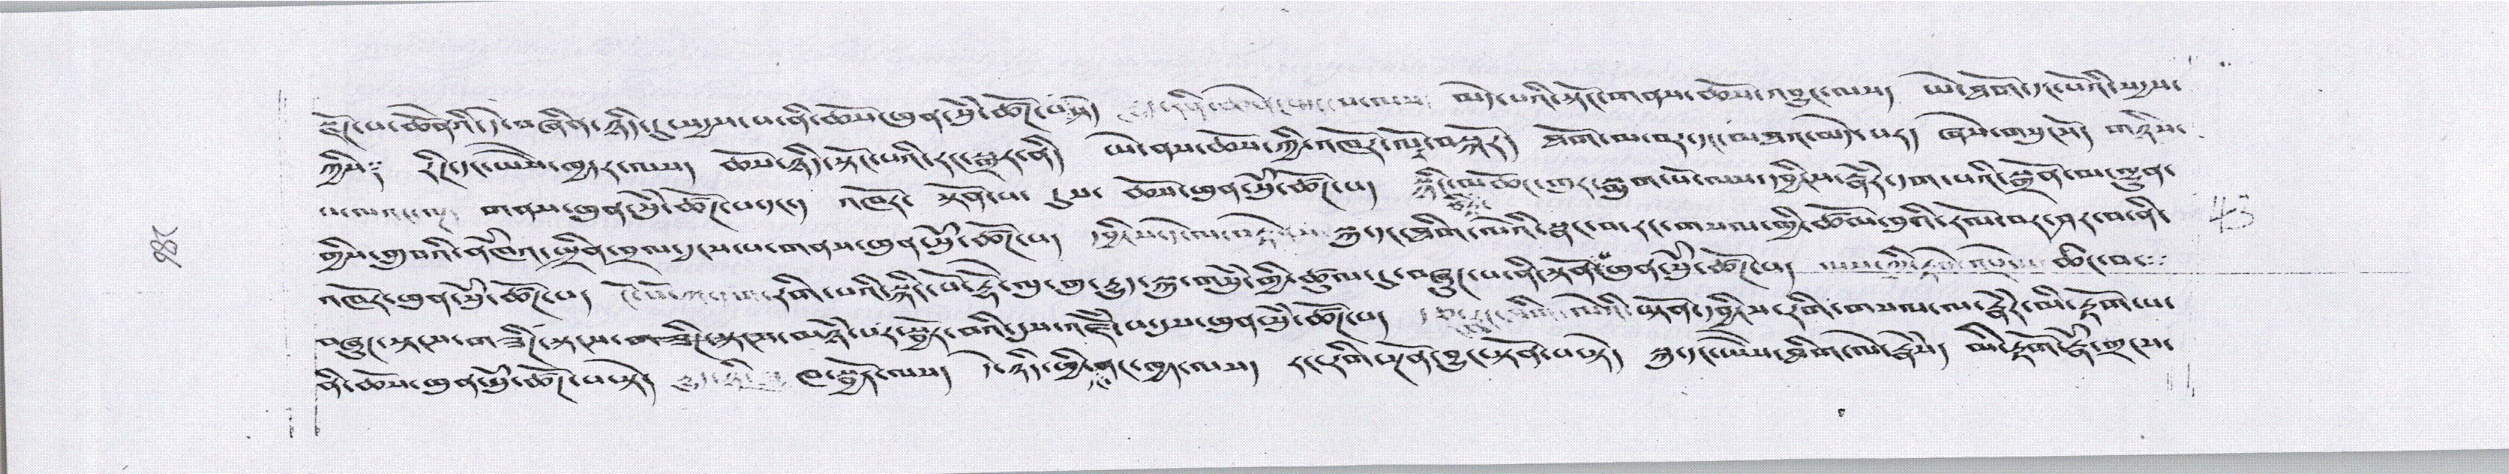རྫོགས་པ་ཆེན་པོའི་དེ་བཞིན་ཉིད་དུ་སངས་རྒྱས་པ་ནི་ཆོས་ཕུན་སུམ་ཚོགས་པ་སྟེ། རྒྱུད་རིན་ཆེན་སྤུང་པ་ལས། མེད་པའི་སྟོང་གནས་ཆོས་འབྱུང་ལས། ཡེ་ཐོག་དང་པོའི་སངས་རྒྱས་
ཀྱིས། རིགས་དང་ཡེ་ཤེས་ཁྱད་པར་ལས། ཆོས་ཉིད་སྟོང་པའི་རང་སྒྲར་ནི། ཡེ་ནས་ཆོས་ཀྱི་འཁོར་ལོར་བསྐོར། ཐོག་མ་བར་དང་མཐའ་མེད་པར། ཞེས་གསུངས་སོ། གཉིས་
པ་ལའང་ལྔ། གནས་ཕུན་སུམ་ཚོགས་པ་དང། འཁོར། སྟོན་པ། དུས། ཆོས་ཕུན་སུམ་ཚོགས་པ། སྙིང་ཙིཏྟ་མཆོང་གུར་སྨུག་པོ་ལས་དབྱིངས་རྣམ་པར་དག་པའི་སྒྲོན་མ་ལྷུན་
གྱིས་གྲུབ་པའི་ནམ་མཁའ་སྤྲིན་བྲལ་དྭངས་པ་གནས་ཕུན་སུམ་ཚོགས་པ། དབྱིངས་དེ་ལ་བརྟེན་ནས་སྐུ་དང་ཐིག་ལེའི་སྣང་བ་རང་གསལ་གྱི་ཚོམ་བུའི་རོལ་བར་ཤར་བ་ནི། 
འཁོར་ཕུན་སུམ་ཚོགས་པ། ངོ་བོ་ཀ་དག་རིག་པའི་སྙིང་པོ་རྡོ་རྗེ་ལུ་གུ་རྒྱུད་སྐུ་གསུམ་གྱི་ཚུལ་དུ་བཞུགས་པ་ནི་སྟོན་པ་ཕུན་སུམ་ཚོགས་པ། ཡས་ཀྱི་རྟེན་འབྲེལ་ཚང་བ། 
བཞུགས་སྟངས་གཟིགས་སྟངས་མཉམ་པར་སྦྱོར་བའི་དུས་འཛོམ་པ་དུས་ཕུན་སུམ་ཚོགས་པ། རྩ་རླུང་ཐིག་ལེའི་ཡོན་ཏན་དབྱིངས་རིག་གསལ་ལ་རྣམ་པར་མི་རྟོག་པ་
ནི་ཆོས་ཕུན་སུམ་ཚོགས་པ་སྟེ། རྒྱུད་ཉི་ཟླ་ཁ་སྦྱོར་ལས། དེ་ཉིད་ཕྱི་དང་ནང་ཁྱད་ལས། རང་རིག་སྔོན་བྱུང་སྟོན་པ་སྟེ། སྐུ་དང་ཡེ་ཤེས་ཐིག་ལེ་རྣམས། མི་རྟོག་རྣམ་གྲངས་